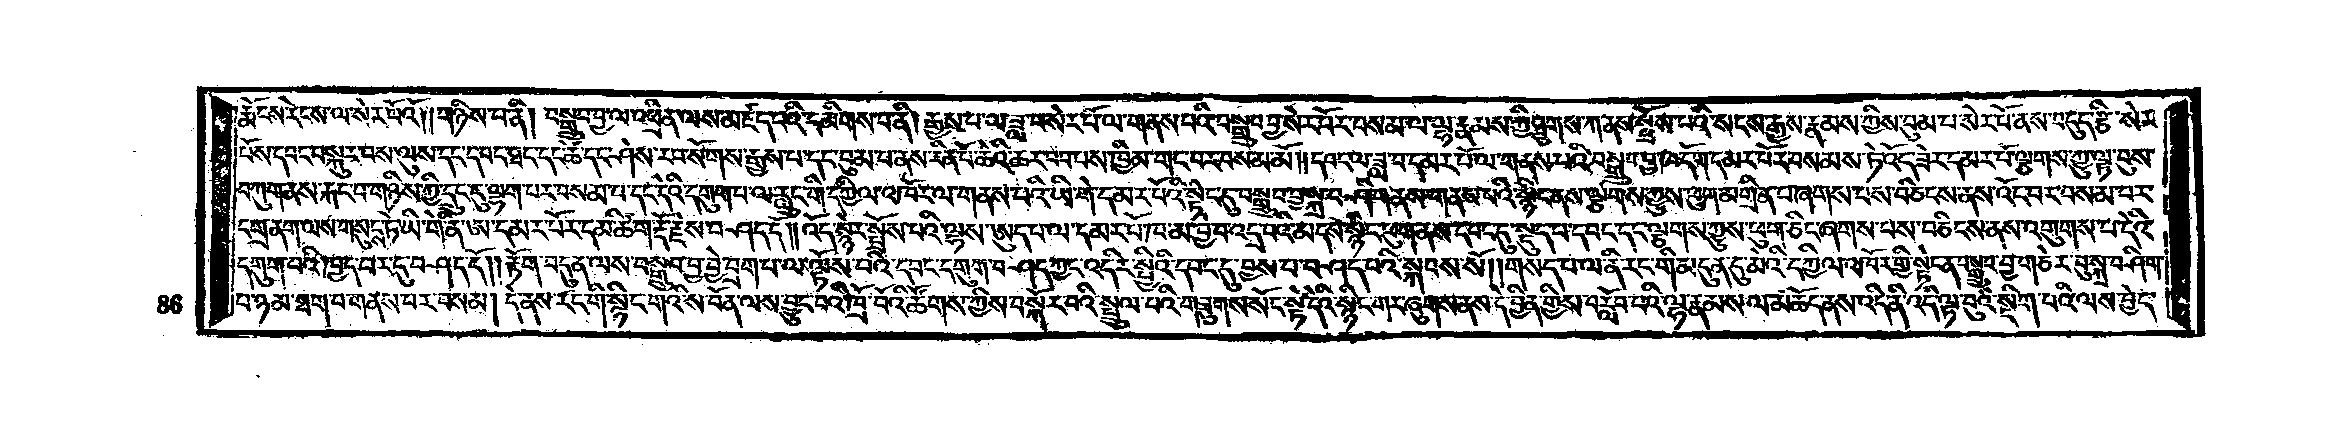རྨོངས་རེངས་ལ་སེར་པོའོ། །གཉིས་པ་ནི། བསྒྲུབ་བྱ་ལ་འཕྲིན་ལས་མཛད་པའི་དམིགས་པ་ནི། རྒྱས་པ་ལ་ཟླ་བ་སེར་པོ་ལ་གནས་པའི་བསྒྲུབ་བྱ་སེར་པོར་བསམ་ལ་ལྷ་རྣམས་ཀྱི་ཐུགས་ཀ་ནས་སྤྲོས་པའི་སངས་རྒྱས་རྣམས་ཀྱིས་བུམ་པ་སེར་པོ་ནས་བདུད་རྩི་སེར་
པོས་དབང་བསྐུར་བས་ལུས་དང་དབང་ཐང་དང་ཚེ་དང་ཤེས་རབ་སོགས་རྒྱས་པ་དང་བུམ་པ་ནས་རིན་པོ་ཆེའི་ཆར་བབ་པས་ཁྱིམ་གང་བར་བསམ་མོ། །དབང་ལ་ཟླ་བ་དམར་པོ་ལ་གནས་པའི་བསྒྲུབ་བྱ་ཁ་དོག་དམར་པོར་བསམས་ཏེ་འོད་ཟེར་དམར་པོ་ལྕགས་ཀྱུ་ལྟ་བུས་
བཀུག་ནས་རྐང་པ་གཉིས་ཀྱི་དྲུང་དུ་ལྷག་པར་བསམ་པ་དང་དེའི་དགུག་པ་ལ་རླུང་གི་དཀྱིལ་འཁོར་ལ་གནས་པའི་ཡི་གེ་དམར་པོའི་སྟེང་དུ་བསྒྲུབ་བྱ་སྐྲ་བཤིག་ནས་གནས་པའི་སྙིང་ནས་ལྕགས་ཀྱུས་ཕུག་མགྲིན་པ་ཞགས་པས་བཅིངས་ནས་འོང་བར་བསམ་པར་
དགྲ་ནག་ལས་གསུངས་ཏེ་ཡི་གེ་ནི་ཨ་དམར་པོར་དམ་ཚིག་རྡོ་རྗེས་བཤད་དོ། །འོད་སྙེར་སྤྲོས་པའི་ལྷས་ཨུད་པ་ལ་དམར་པོ་ཁ་མ་བྱེ་བ་འདྲ་བའི་མདས་སྙིང་ཕུག་ནས་དབང་དུ་སྡུད་པ་དབང་དང་ལྕགས་ཀྱུས་ཕུག་ཅིང་ཞགས་པས་བཅིངས་ནས་འགུགས་པ་དེའི་
དགུག་པའི་ཁྱད་པར་དུ་བཤད་དོ། །རྟོག་བདུན་ལས་བསྒྲུབ་བྱ་བྱེ་བྲག་པ་ལ་ལྟོས་པའི་དབང་དགུག་བཤད་ཀྱང་འདིར་སྤྱིའི་དབང་དུ་བྱས་པ་བཤད་པའི་སྐབས་སོ། །གསད་པ་ལ་ནི་རང་གི་མདུན་དུ་མེའི་དཀྱིལ་འཁོར་གྱི་སྟེང་ན་བསྒྲུབ་བྱ་གཅེར་བུ་སྐྲ་བཤིག་
པ་ཉམ་ཐག་པ་གནས་པར་བསམ། དེ་ནས་རང་གི་སྙིང་གའི་ས་བོན་ལས་བྱུང་བའི་ཁྲོ་བོའི་ཚོགས་ཀྱིས་བསྐོར་བའི་སྤྲུལ་པའི་གཟུགས་སོང་སྟེ་དེའི་སྙིང་གར་ཞུགས་ནས་དེ་བྱིན་གྱིས་བརློབ་པའི་ལྷ་རྣམས་ལ་མཆོད་ནས་འདི་ནི་འདི་ལྟ་བུའི་སྡིག་པའི་ལས་བྱེད་